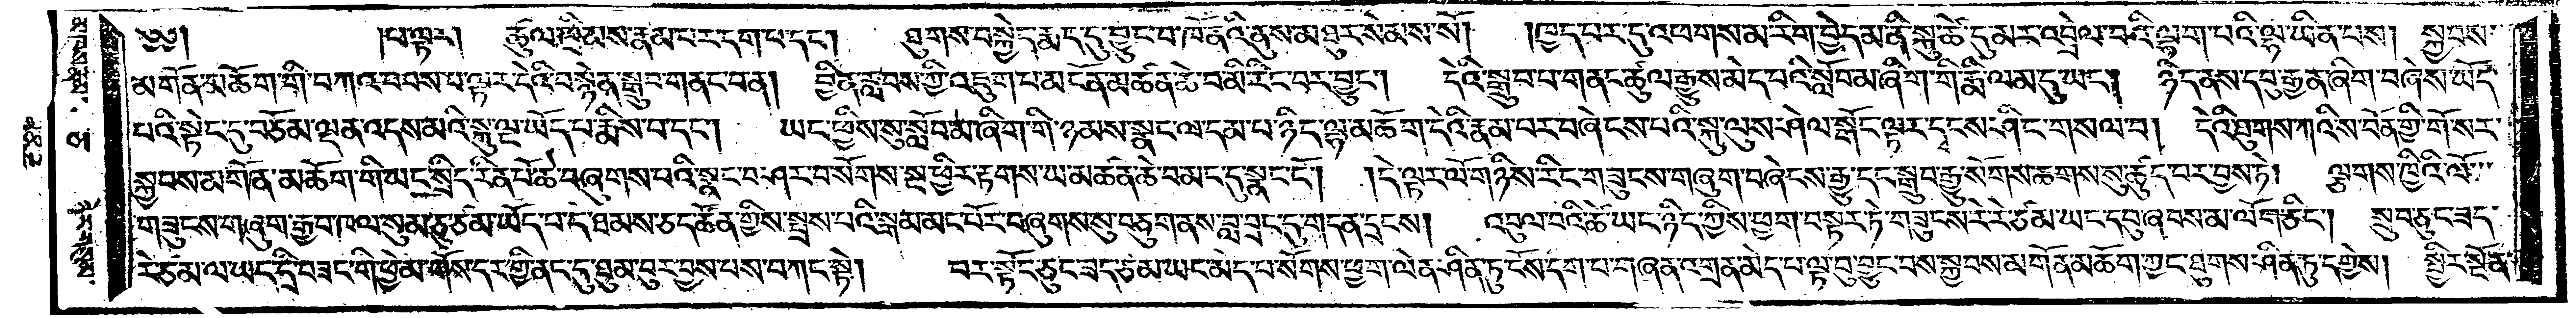༄༅། །པ་ལྟར། ཚུལ་ཁྲིམས་རྣམ་པར་དག་བ་དང་། ཐུགས་བསྐྱེད་རྨད་དུ་བྱུང་བ་ཁོ་ནའི་ནུས་མཐུར་སེམས་སོ། །ཁྱད་བར་དུ་འཕགས་མ་རིག་བྱེད་མ་ནི་སྐུ་ཚེ་དུ་མར་འབྲེལ་བའི་ལྷག་པའི་ལྷ་ཡིན་པས། སྐྱབས་
མགོན་མཆོག་གི་བཀའ་བབས་པ་ལྟར་དེའི་བསྙེན་སྒྲུབ་གནང་བ་ན། བྱིན་རླབས་ཀྱི་འཇུག་པ་མངོན་མཚན་ཆེ་བ་མི་རིང་བར་བྱུང་། དེའི་སྒྲུབ་པ་གནང་ཚུལ་རྒྱུས་མེད་པའི་སློབ་མ་ཞིག་གི་རྨི་ལམ་དུ་ཡང་། ཉིད་ནས་དབུ་རྒྱན་ཞིག་བཞེས་ཡོད་
པའི་སྟེང་དུ་བཅོམ་ལྡན་འདས་མའི་སྐུ་ལྔ་ཡོད་པ་རྨིས་བ་དང་། ཡང་ཕྱིས་སུ་སློབ་མ་ཞིག་གི་ཉམས་སྣང་ལ་དམ་པ་ཉིད་ལྷ་མཆོག་དེའི་རྣམ་པར་བཞེངས་པའི་སྐུ་ལུས་ཤེལ་སྒོང་ལྟར་དྭངས་ཤིང་གསལ་བ། དེའི་ཐུགས་ཀའི་ས་བོན་གྱི་གོ་སར་
སྐྱབས་མགོན་མཆོག་གི་ཡང་སྲིད་རིན་པོ་ཆེ་བཞུགས་པའི་སྣང་བ་ཤར་བ་སོགས་སྔ་ཕྱིར་རྟགས་ཡ་མཚན་ཆེ་བ་མང་དུ་སྣང་ངོ། །དེ་ལྟར་ལོ་གཉིས་རིང་གཟུངས་གཞུག་བཞེངས་རྒྱུ་དང་སྒྲུབ་རྒྱུ་སོགས་ཚགས་སུ་ཚུད་པར་བྱས་ཏེ། ལྕགས་ཁྱིའི་ལོ་
གཟུངས་གཞུག་རྒྱབ་ཁལ་སུམ་ཅུ་ཙམ་ཡོད་པ་དེ་ཐམས་ཅད་ཚོན་གྱིས་སྤྲས་པའི་སྒམ་མང་པོར་བཞུགས་སུ་བཅུག་ནས་བླ་བྲང་དུ་གདན་དྲངས། འབུལ་བའི་ཚེ་ཡང་ཉིད་ཀྱིས་ཕྱག་བསྟར་ཏེ་གཟུངས་རེ་རེ་ཙམ་ཡང་དབུ་ཞབས་མ་ལོག་ཅིང་། སྲུབ་ཅུང་ཟད་
རེ་ཙམ་ལ་ཡང་དྲི་བཟང་གི་ཕྱེ་མ་གོས་དར་གྱི་ནང་དུ་ཐུམ་བུར་བྱས་བས་བཀང་སྟེ། བར་སྟོང་ཅུང་ཟད་ཙམ་ཡང་མེད་པ་སོགས་ཕྱག་ལེན་ཤིན་ཏུ་ངོས་དག་བ་གཞན་འགྲན་མེད་པ་ལྟ་བུ་བྱུང་བས་སྐྱབས་མགོན་མཆོག་ཀྱང་ཐུགས་ཤིན་ཏུ་དགྱེས། སྤྱིར་སྔོན་